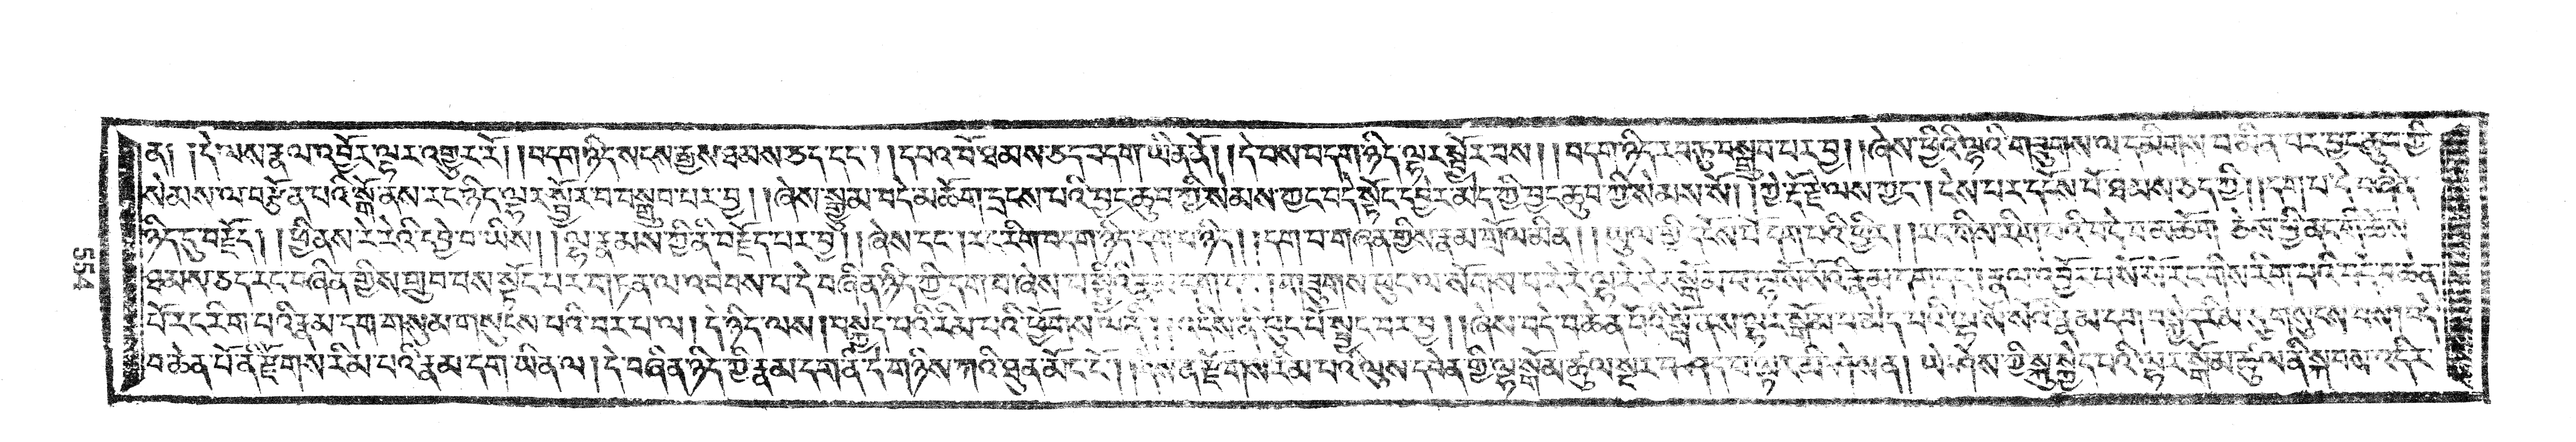ན། །དེ་ལས་རྣལ་འབྱོར་ལྷར་འགྱུར་རོ། །བདག་ཉིད་སངས་རྒྱས་ཐམས་ཅད་དང་། །དཔའ་བོ་ཐམས་ཅད་བདག་ཡིན་ནོ། །དེ་བས་བདག་ཉིད་ལྷར་སྦྱོར་བས། །བདག་ཉིད་རབ་ཏུ་བསྒྲུབ་པར་བྱ། །ཞེས་ཕྱིའི་ལྷའི་གཟུགས་ལ་དམིགས་པ་མིན་པར་བྱང་ཆུབ་ཀྱི་
སེམས་ལ་བརྩོན་པའི་སྒོ་ནས་རང་ཉིད་ལྷར་སྦྱོར་བ་བསྒྲུབ་པར་བྱ། །ཞེས་སྒྱུ་མ་བདེ་མཆོག་དྲངས་པའི་བྱང་ཆུབ་ཀྱི་སེམས་ཀྱང་བདེ་སྟོང་དབྱེར་མེད་ཀྱི་བྱང་ཆུབ་ཀྱི་སེམས་སོ། །ཀྱེ་རྡོ་རྗེ་ལས་ཀྱང་། ངེས་པར་དངོས་པོ་ཐམས་ཅད་ཀྱི། །དག་དེ་བཞིན་
ཉིད་དུ་བརྗོད། །ཕྱི་ནས་རེ་རེའི་དབྱེ་བ་ཡིས། །ལྷ་རྣམས་ཀྱི་ནི་བརྗོད་པར་བྱ། །ཞེས་དང་། རང་རིགས་བདག་ཉིད་དག་པ་ཉིད། །དག་པ་གཞན་གྱིས་རྣམ་གྲོལ་མིན། །ཡུལ་གྱི་དངོས་པོ་དག་པའི་ཕྱིར། །རང་གིས་རིག་པའི་བདེ་བ་མཆོག་ཅེས་ཕྱི་ནང་གི་ཆོས་
ཐམས་ཅད་རང་བཞིན་གྱིས་གྲུབ་པས་སྟོང་པར་གཏན་ལ་འབེབས་པ་དེ་བཞིན་ཉིད་ཀྱི་དག་པ་ཞེས་པ་སྤྱིའི་རྣམ་དག་དང་། གཟུགས་ཕུང་ལ་སོགས་པ་རེ་རེ་ལྷ་རེ་རེར་སྒོམ་པ་ལྷ་སོ་སོའི་རྣམ་དག་དང་། རྣལ་འབྱོར་པ་སོ་སོར་རང་གིས་རིག་པའི་བདེ་བ་ཆེན་
པོ་རང་རིག་པའི་རྣམ་དག་གསུམ་གསུངས་པའི་བར་པ་ལ། དེ་ཉིད་ལས། བསྐྱེད་པའི་རིམ་པའི་ཕྱོགས་ལ་ནི། །འདིས་ནི་ཕུང་པོ་སྦྱང་བར་བྱ། །ཞེས་བདེ་བ་ཆེན་པོའི་སྒོ་ནས་ལྷར་སྒོམ་པ་མེད་པའི་ལྷ་སོ་སོའི་རྣམ་དག་བསྐྱེད་རིམ་དུ་གསུངས་པས། བདེ་
བ་ཆེན་པོ་ནི་རྫོགས་རིམ་པའི་རྣམ་དག་ཡིན་ལ། དེ་བཞིན་ཉིད་ཀྱི་རྣམ་དག་ནི་དེ་གཉིས་ཀའི་ཐུན་མོང་ངོ། །དེས་ན་རྫོགས་རིམ་པའི་ལུས་དབེན་གྱི་ལྷ་སྒོམ་ཚུལ་སྔར་བཤད་པ་ལྟར་མི་ཤེས་ན། ཡེ་ཤེས་ཀྱི་སྐུ་སྐྱེད་པའི་ལྷར་སྒོམ་ཚུལ་ནི་སྐབས་འདིར་